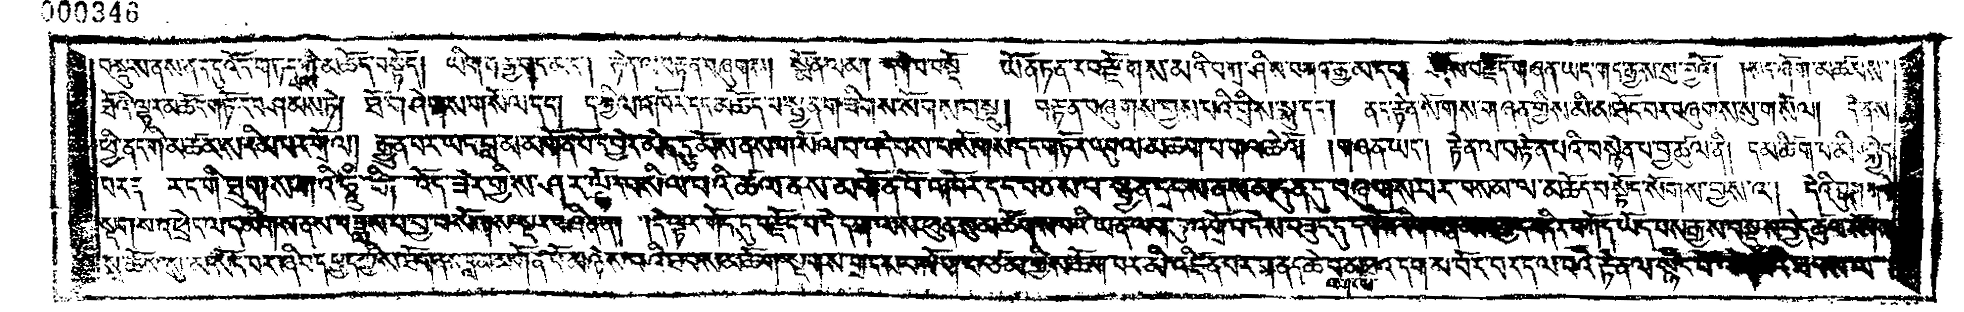བསྡུས་ནས་ནང་དུ་འོང་གཏང་པར་གི་མཆོད་བསྟོད། ཡིག་བརྒྱ་གང་མང་། རྟེན་ལ་བརྟན་བཞུགས། སྨོན་ལམ། དགེ་བ་བསྔོ་ཡོན་ཏན་རབ་རྫོགས་མའི་བཀྲ་ཤིས་བཀའ་རྒྱ་མ་དང་། ཤིས་བརྗོད་གཞན་ཡང་གང་རྒྱས་སུ་བྱའོ། །སང་ཞོག་མཚམས་
ཐོའི་ལྷར་མཚོང་གཏོར་བཤམས་ཏེ། ཐོ་གཤེགས་གསོལ་དང་། དཀྱིལ་འཁོར་དང་མཆོད་པ་སྤྱན་གཟིགས་སོགས་བསྡུ། བརྟན་བཞུགས་བྱས་པའི་བྲིས་སྐུ་དང་། ནང་རྟེན་སོགས་གཞན་གྱིས་མི་མཐོང་བར་བཞུགས་སུ་གསོལ། དེ་ནས་
ཕྱི་ནང་གི་མཚམས་རིམ་པར་གྲོལ། རྒྱུན་པར་ཡང་བླ་མ་མགོན་པོ་དབྱེར་མེད་དུ་མོས་ནས་གསོལ་བ་འདེབས་པ་སོགས་དང་གཏོར་འབུལ་མ་ཆག་པ་གལ་ཆེའོ། །གཞན་ཡང་། རྟེན་ལ་བརྟེན་པའི་བསྙེན་པ་བྱ་ཚུལ་ནི། དམ་ཚིག་པ་མི་བསྐྱེད་
པར༑ རང་གི་ཐུགས་ཀའི་ཧཱུཾ་གི་འོད་ཟེར་གྱིས་ཤར་ལྷོར་བསིལ་བའི་ཚལ་ནས་མགོན་པོ་འཁོར་དང་བཅས་པ་སྤྱན་དྲངས་ནས་མདུན་དུ་བཞུགས་པར་བསམ་ལ་མཆོད་བསྟོད་སོགས་བྱས་ལ། དེའི་ཐུགས་ཀའི་
སྔགས་འཕྲེང་ལ་དམིགས་ནས་བཟླས་པ་བྱ་བ་སོགས་སྔར་བཞིན་ན། །དེ་ལྟར་གོང་དུ་བརྗོད་པ་དེ་དག་ལས་ཕུན་སུམ་ཚོགས་པའི་ཡན་ལག་ཏུ་འགྲོ་བ་ངེས་བཟུང་དུ་དགོས་རིགས་རྣམས་ཀྱང་འདིར་བཀོད་ཡོད་པས་རྒྱས་བསྡུས་བྱེད་ཚུལ་སོགས་
སླ་ཆོས་སུ་མ་སོང་བར་ཞིབ་དཔྱད་ཀྱིས་ཐོག་ནས་བླ་མ་མགོན་པོ་མཉེས་པའི་ཐབས་མཆོག་སྔགས་གྲངས་བསོག་པ་ཙམ་གྱིས་ཆོག་པར་མི་འཛིན་པར་གནད་ཆེ་བ་འགངས་མཐའ་དག་མ་བོར་བར་དལ་བའི་རྟེན་ལ་སྙིང་བོ་ལེན་པའི་ཐབས་ལ་